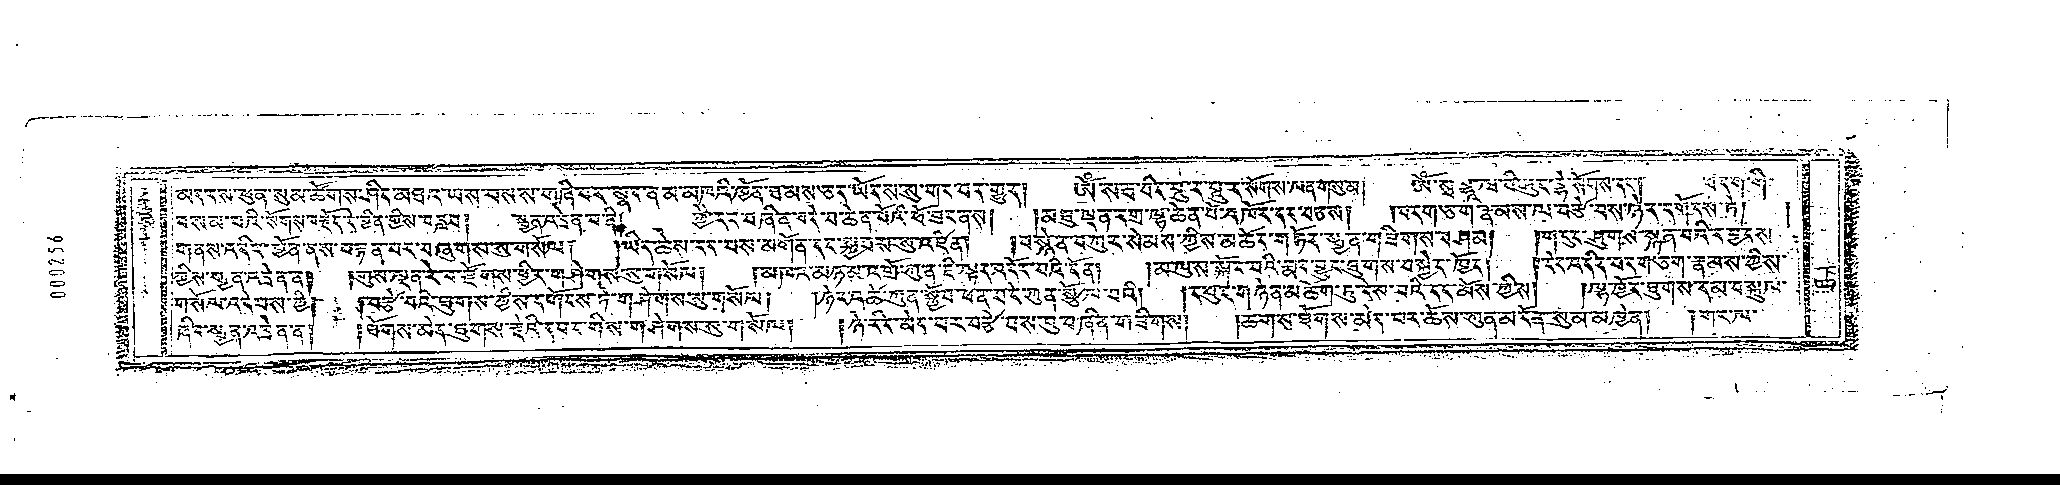མདངས་ཕུན་སུམ་ཚོགས་ཤིང་མཐའ་ཡས་པས་ས་གཞི་བར་སྣང་ནམ་མཁའི་ཁྱོན་ཐམས་ཅད་ཡོངས་སུ་གང་བར་གྱུར། ཨོཾ་སརྦ་བིར་པཱུ་ར་པཱུ་ར་སོགས་ལན་གསུམ། ཨོཾ་སྭ་བྷཱ་ཝ་བི་ཤུད་དྷ་སོགས་དང་། བདག་གི་
བསམ་པའི་སོགས་བརྗོད་དེ་བྱིན་གྱིས་བརླབ། སྤྱན་འདྲེན་བ་ནི། ཀྱཻ་རང་བཞིན་བདེ་བ་ཆེན་བོའི་ཕོ་བྲང་ནས། །མཐུ་ལྡན་དགྲ་ལྷ་ཆེན་པོ་འཁོར་དང་བཅས། །བདག་ཅག་རྣམས་ལ་བརྩེ་བས་ཉེར་དགོངས་ཏེ། །
གནས་འདིར་བྱོན་ནས་བརྟན་བར་བཞུགས་སུ་གསོལ། །ཡིད་ཆེས་དང་པས་མགོན་དར་སྐྱབས་སུ་འཛིན། །བསྙེན་བཀུར་སེམས་ཀྱིས་མཆོར་གཏོར་སྤྱན་གཟིགས་བཤམ། །གདུད་ཤུགས་སྙན་བའི་དབྱངས་
ཀྱིས་སྤྱན་འདྲེན་ན། །གུས་ལྡན་རེ་བ་རྫོགས་ཕྱིར་གཤེགས་སུ་གསོལ། །མཁའ་མཉམ་འགྲོ་ཀུན་ཇི་ལྟར་འདོད་པའི་དོན། །མ་ལུས་སྐོད་བའི་རྨད་བྱུང་ཐུགས་བསྐྱེད་ཁྱོད། །དེང་འདིར་བདག་ཅག་རྣམས་ཀྱིས་
གསོལ་འདེབས་ཀྱི། །བརྩེ་བའི་ཐུགས་ཀྱིས་དགོངས་ཏེ་གཤེགས་སུ་གསོལ། །ཉེར་འཚེ་ཀུན་སྐྱོབ་ཕན་བདེ་ཀུན་སྩོལ་བའི། །དཔུང་གཉེན་མཆོག་ཏུ་ངེས་པའི་དད་མོས་ཀྱིས། །ལྷ་ཁྱོད་ཐུགས་དམ་བསྐུལ་
ཞིང་སྤྱན་འདྲེན་ན། །ཐོགས་མེད་ཐུགས་རྗེའི་དབང་གིས་གཤེགས་སུ་གསོལ། །ཉེ་རིང་མེད་པར་བརྩེ་བས་བུ་བཞིན་གཟིགས། །ཆགས་གྲོགས་མེད་བར་ཆོས་ཀུན་མངོན་སུམ་མཁྱེན། །གང་ལ་